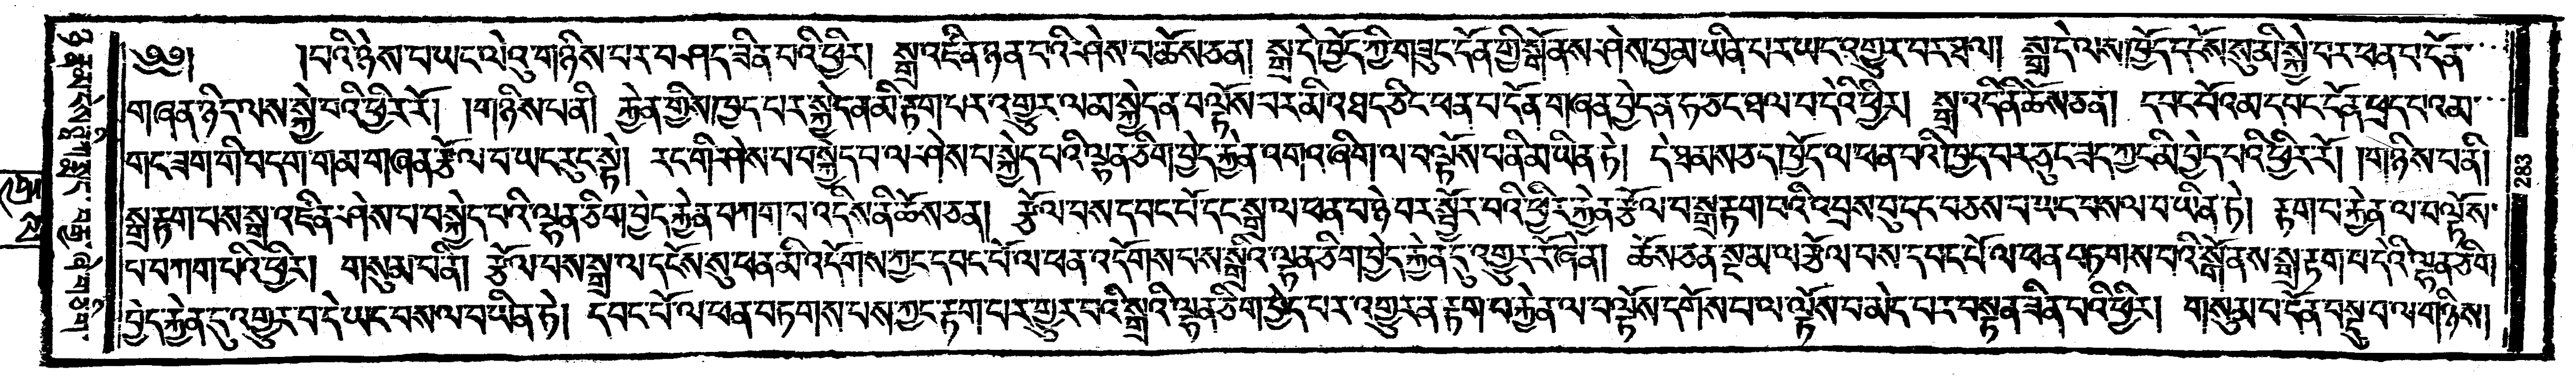༄༅། །པའི་ཉེས་པ་ཡང་ལེའུ་གཉིས་པར་བཤད་ཟིན་པའི་ཕྱིར། སྒྲ་འཛིན་ཉན་པའི་ཤེས་པ་ཆོས་ཅན། སྒྲ་དེ་ཁྱོད་ཀྱི་གཟུང་དོན་གྱི་སྒོ་ནས་ཤེས་བྱ་མ་ཡིན་པར་ཡང་འགྱུར་བར་ཐལ། སྒྲ་དེ་ལས་ཁྱོད་དངོས་སུ་མི་སྐྱེ་བར་ཕན་པ་དོན་
གཞན་ཉིད་ལས་སྐྱེ་བའི་ཕྱིར་རོ། །གཉིས་པ་ནི། རྐྱེན་གྱིས་ཁྱད་པར་སྐྱེད་ན་མི་རྟག་པར་འགྱུར་ལམ་སྐྱེད་ན་བལྟོས་པར་མི་འཐད་ཅིང་ཕན་པ་དོན་གཞན་བྱེད་ན་ཧ་ཅང་ཐལ་བ་དེའི་ཕྱིར། སྒྲ་འདི་ནི་ཆོས་ཅན། དབང་བོའམ་དབང་དོན་ཕྲད་པའམ་
གང་ཟག་གི་བདག་གམ་གཞན་རྩོལ་བ་ཡང་རུང་སྟེ། རང་གི་ཤེས་པ་བསྐྱེད་པ་ལ་ཤེས་པ་སྐྱེད་པའི་ལྷན་ཅིག་བྱེད་རྐྱེན་འགའ་ཞིག་ལ་བལྟོས་པ་ནི་མ་ཡིན་ཏེ། དེ་ཐམས་ཅད་ཁྱོད་ལ་ཕན་པའི་ཁྱད་པར་ཅུང་ཟད་ཀྱང་མི་བྱེད་པའི་ཕྱིར་རོ། །གཉིས་པ་ནི།
སྒྲ་རྟག་པས་སྒྲ་འཛིན་ཤེས་པ་བསྐྱེད་པའི་ལྷན་ཅིག་བྱེད་རྐྱེན་བཀག་པ་འདིས་ནི་ཆོས་ཅན། རྩོལ་བས་དབང་པོ་དང་སྒྲ་ལ་ཕན་པ་ཉེ་བར་སྦྱོར་བའི་ཕྱིར་རྐྱེན་རྩོལ་བ་སྒྲ་རྟག་པའི་འབྲས་བུ་དང་བཅས་པ་ཡང་བསལ་བ་ཡིན་ཏེ། རྟག་པ་རྐྱེན་ལ་བལྟོས་
པ་བཀག་པའི་ཕྱིར། གསུམ་པ་ནི། རྩོལ་བས་སྒྲ་ལ་དངོས་སུ་ཕན་མི་འདོགས་ཀྱང་དབང་པོ་ལ་ཕན་འདོགས་པས་སྒྲའི་ལྷན་ཅིག་བྱེད་རྐྱེན་དུ་འགྱུར་རོ་ཞེ་ན། ཆོས་ཅན་སྔ་མ་ལ་རྩོལ་བས་དབང་པོ་ལ་ཕན་བཏགས་པའི་སྒོ་ནས་སྒྲ་རྟག་པ་དེའི་ལྷན་ཅིག་
བྱེད་རྐྱེན་དུ་འགྱུར་བ་དེ་ཡང་བསལ་བ་ཡིན་ཏེ། དབང་པོ་ལ་ཕན་བཏགས་པས་ཀྱང་རྟག་པར་གྱུར་པའི་སྒྲའི་ལྷན་ཅིག་བྱེད་པར་འགྱུར་ན་རྟག་བ་རྐྱེན་ལ་བལྟོས་དགོས་པ་ལ་ལྟོས་བ་མེད་པར་བསྟན་ཟིན་པའི་ཕྱིར། གསུམ་པ་དོན་བསྡུ་པ་ལ་གཉིས།